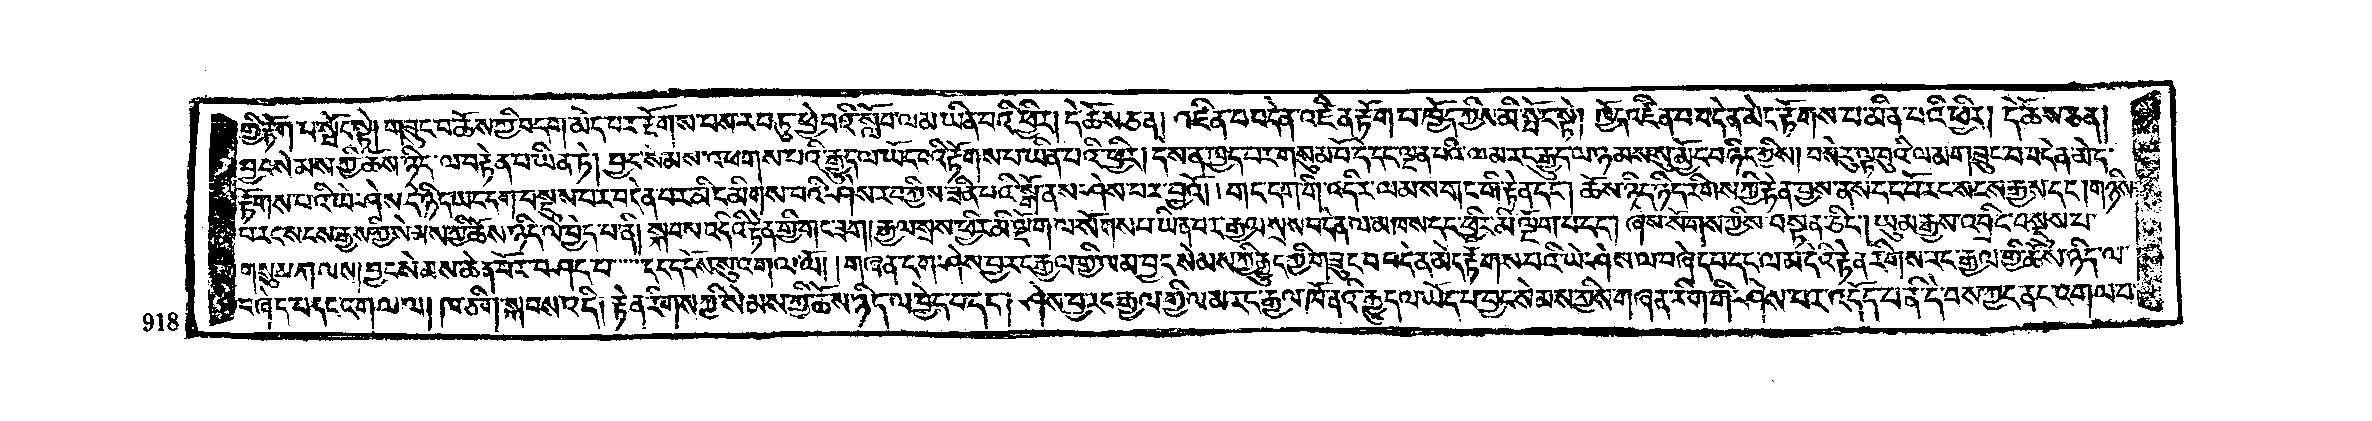གྱི་རྟོག་པ་སྤོང་སྟེ། གཟུང་བ་ཆོས་ཀྱི་བདག་མེད་པར་རྟོགས་པས་རབ་ཏུ་ཕྱེ་བའི་སློབ་ལམ་ཡིན་པའི་ཕྱིར། དེ་ཆོས་ཅན། འཛིན་པ་བདེན་འཛིན་རྟོག་པ་ཁྱོད་ཀྱིས་མི་སྤོང་སྟེ། ཁྱོད་འཛིན་པ་བདེན་མེད་རྟོགས་པ་མིན་པའི་ཕྱིར། དེ་ཆོས་ཅན།
བྱང་སེམས་ཀྱི་ཆོས་ཉིད་ལ་བརྟེན་པ་ཡིན་ཏེ། བྱང་སེམས་འཕགས་པའི་རྒྱུད་ལ་ཡོད་པའི་རྟོགས་པ་ཡིན་པའི་ཕྱིར། དེས་ན་ཁྱད་པར་གསུམ་པོ་དེ་དང་ལྡན་པའི་ལམ་རང་རྒྱུད་ལ་ཉམས་སུ་མྱོང་བ་ཉིད་ཀྱིས། བསེ་རུ་ལྟ་བུའི་ལམ་གཟུང་བ་བདེན་མེད་
རྟོགས་པའི་ཡེ་ཤེས་དེ་ཉིད་ཡང་དག་བསྡུས་པར་བདེན་པར་མི་དམིགས་པའི་ཤེས་རབ་ཀྱིས་ཟིན་པའི་སྒོ་ནས་ཤེས་པར་བྱའོ། །གང་དག་གི་འདིར་ལམ་ས་གང་གི་རྟེན་དང་། ཆོས་ཉིད་ཉིད་རིགས་ཀྱི་རྟེན་བྱས་ནས་དང་པོ་རང་སངས་རྒྱས་དང་། གཉིས་
པ་རང་སངས་རྒྱས་ཀྱི་སེམས་ཀྱི་ཆོས་ཉིད་ལ་བྱེད་པ་ནི། སྐབས་འདིའི་རྟེན་གྱི་གང་ཟག །རྒྱལ་སྲས་ཕྱིར་མི་ལྡོག་ལ་སོགས་པ་ཡིན་པར་རྒྱལ་སྲས་བདེན་ལ་མཁས་དང་ཕྱིར་མི་ལྡོག་པ་དང་། ཞེས་སོགས་ཀྱིས་བསྟན་ཅིང་། ཡུམ་རྒྱས་འབྲིང་བསྡུས་པ་
གསུམ་ཀ་ལས། བྱང་སེམས་ཆེན་པོར་བཤད་པ་དང་དངོས་སུ་འགལ་ལོ། །གཞན་དག་ཤེས་བྱ་རང་རྒྱལ་གྱི་ལམ་བྱང་སེམས་ཀྱི་རྒྱུད་ཀྱི་གཟུང་བ་བདེན་མེད་རྟོགས་པའི་ཡེ་ཤེས་ལ་བཞེད་པ་དང་ལམ་དེའི་རྟེན་རིགས་རང་རྒྱལ་གྱི་ཆོས་ཉིད་ལ་
བཞེད་པ་དང་འགལ་ལ། ཁ་ཅིག་སྐབས་འདི། རྟེན་རིགས་ཀྱི་སེམས་ཀྱི་ཆོས་ཉིད་ལ་བྱེད་པ་དང་། ཤེས་བྱ་རང་རྒྱལ་གྱི་ལམ་རང་རྒྱལ་ཁོ་ནའི་རྒྱུད་ལ་ཡོད་པ་བྱང་སེམས་ཀྱིས་གཞན་རིག་གི་ཤེས་པར་འདོད་པ་ནི་དེ་བས་ཀྱང་ནང་འགལ་བ་